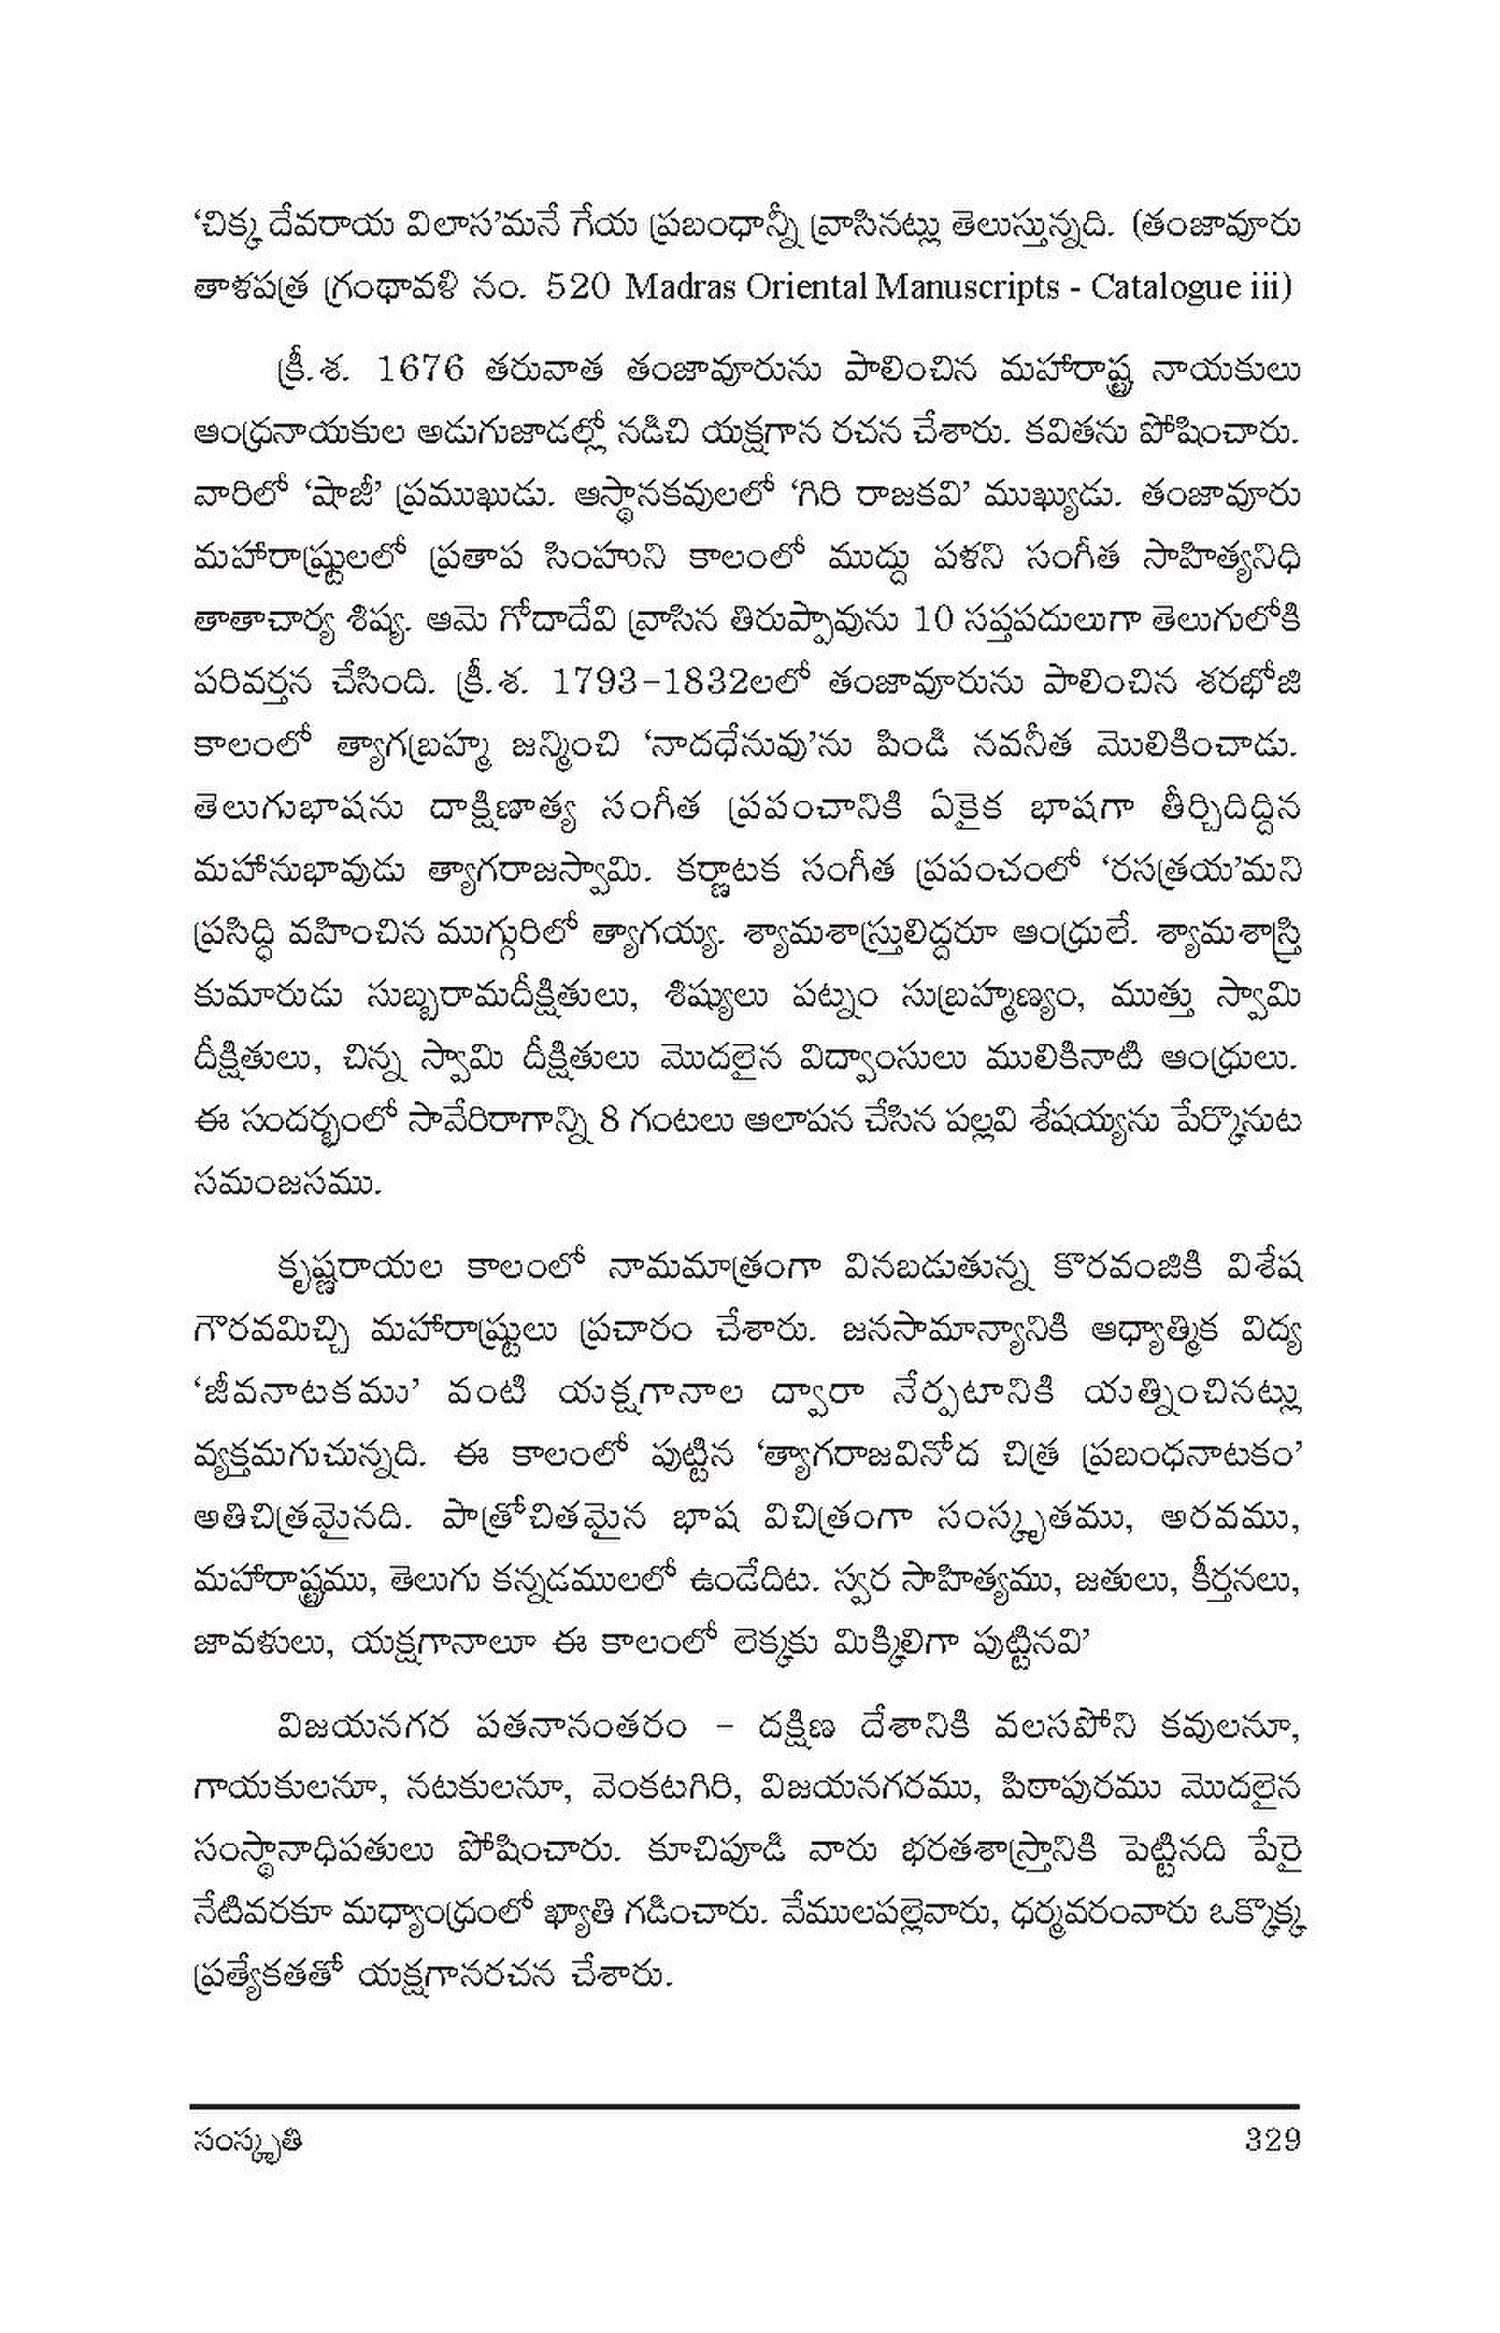'చిక్క దేవరాయ విలాస'మనే గేయ ప్రబంధాన్నీ వ్రాసినట్లు తెలుస్తున్నది. (తంజావూరు
తాళపత్ర గ్రంథావళి నం. 520 Madras Oriental Manuscripts - Catalogue iii)

క్రీ.శ. 1676 తరువాత తంజావూరును పాలించిన మహారాష్ట్ర నాయకులు
ఆంధ్రనాయకుల అడుగుజాడల్లో నడిచి యక్షగాన రచన చేశారు. కవితను పోషించారు.
వారిలో 'షాజీ' ప్రముఖుడు. ఆస్థానకవులలో 'గిరి రాజకవి' ముఖ్యుడు. తంజావూరు
మహారాష్ట్రులలో ప్రతాప సింహుని కాలంలో ముద్దు పళని సంగీత సాహిత్యనిధి
తాతాచార్య శిష్య. ఆమె గోదాదేవి వ్రాసిన తిరుప్పావును 10 సప్తపదులుగా తెలుగులోకి
పరివర్తన చేసింది. క్రీ.శ. 1793-1832లలో తంజావూరును పాలించిన శరభోజి
కాలంలో త్యాగబ్రహ్మ జన్మించి 'నాదధేనువు'ను పిండి నవనీత మొలికించాడు.
తెలుగుభాషను దాక్షిణాత్య సంగీత ప్రపంచానికి ఏకైక భాషగా తీర్చిదిద్దిన
మహానుభావుడు త్యాగరాజస్వామి. కర్ణాటక సంగీత ప్రపంచంలో 'రసత్రయ'మని
ప్రసిద్ధి వహించిన ముగ్గురిలో త్యాగయ్య. శ్యామశాస్త్రులిద్దరూ ఆంధ్రులే. శ్యామశాస్త్రి
కుమారుడు సుబ్బరామదీక్షితులు, శిష్యులు పట్నం సుబ్రహ్మణ్యం, ముత్తు స్వామి
దీక్షితులు, చిన్న స్వామి దీక్షితులు మొదలైన విద్వాంసులు ములికినాటి ఆంధ్రులు.
ఈ సందర్భంలో సావేరిరాగాన్ని 8 గంటలు ఆలాపన చేసిన పల్లవి శేషయ్యను పేర్కొనుట
సమంజసము.

కృష్ణరాయల కాలంలో నామమాత్రంగా వినబడుతున్న కొరవంజికి విశేష
గౌరవమిచ్చి మహారాష్ట్రులు ప్రచారం చేశారు. జనసామాన్యానికి ఆధ్యాత్మిక విద్య
'జీవనాటకము' వంటి యక్షగానాల ద్వారా నేర్పటానికి యత్నించినట్లు
వ్యక్తమగుచున్నది. ఈ కాలంలో పుట్టిన 'త్యాగరాజవినోద చిత్ర ప్రబంధనాటకం'
అతిచిత్రమైనది. పాత్రోచితమైన భాష విచిత్రంగా సంస్కృతము, అరవము,
మహారాష్ట్రము, తెలుగు కన్నడములలో ఉండేదిట. స్వర సాహిత్యము, జతులు, కీర్తనలు,
జావళులు, యక్షగానాలూ ఈ కాలంలో లెక్కకు మిక్కిలిగా పుట్టినవి'

విజయనగర పతనానంతరం దక్షిణ దేశానికి వలసపోని కవులనూ,
గాయకులనూ, నటకులనూ, వెంకటగిరి, విజయనగరము, పిఠాపురము మొదలైన
సంస్థానాధిపతులు పోషించారు. కూచిపూడి వారు భరతశాస్త్రానికి పెట్టినది పేరై
నేటివరకూ మధ్యాంధ్రంలో ఖ్యాతి గడించారు. వేములపల్లెవారు, ధర్మవరంవారు ఒక్కొక్క
ప్రత్యేకతతో యక్షగానరచన చేశారు.